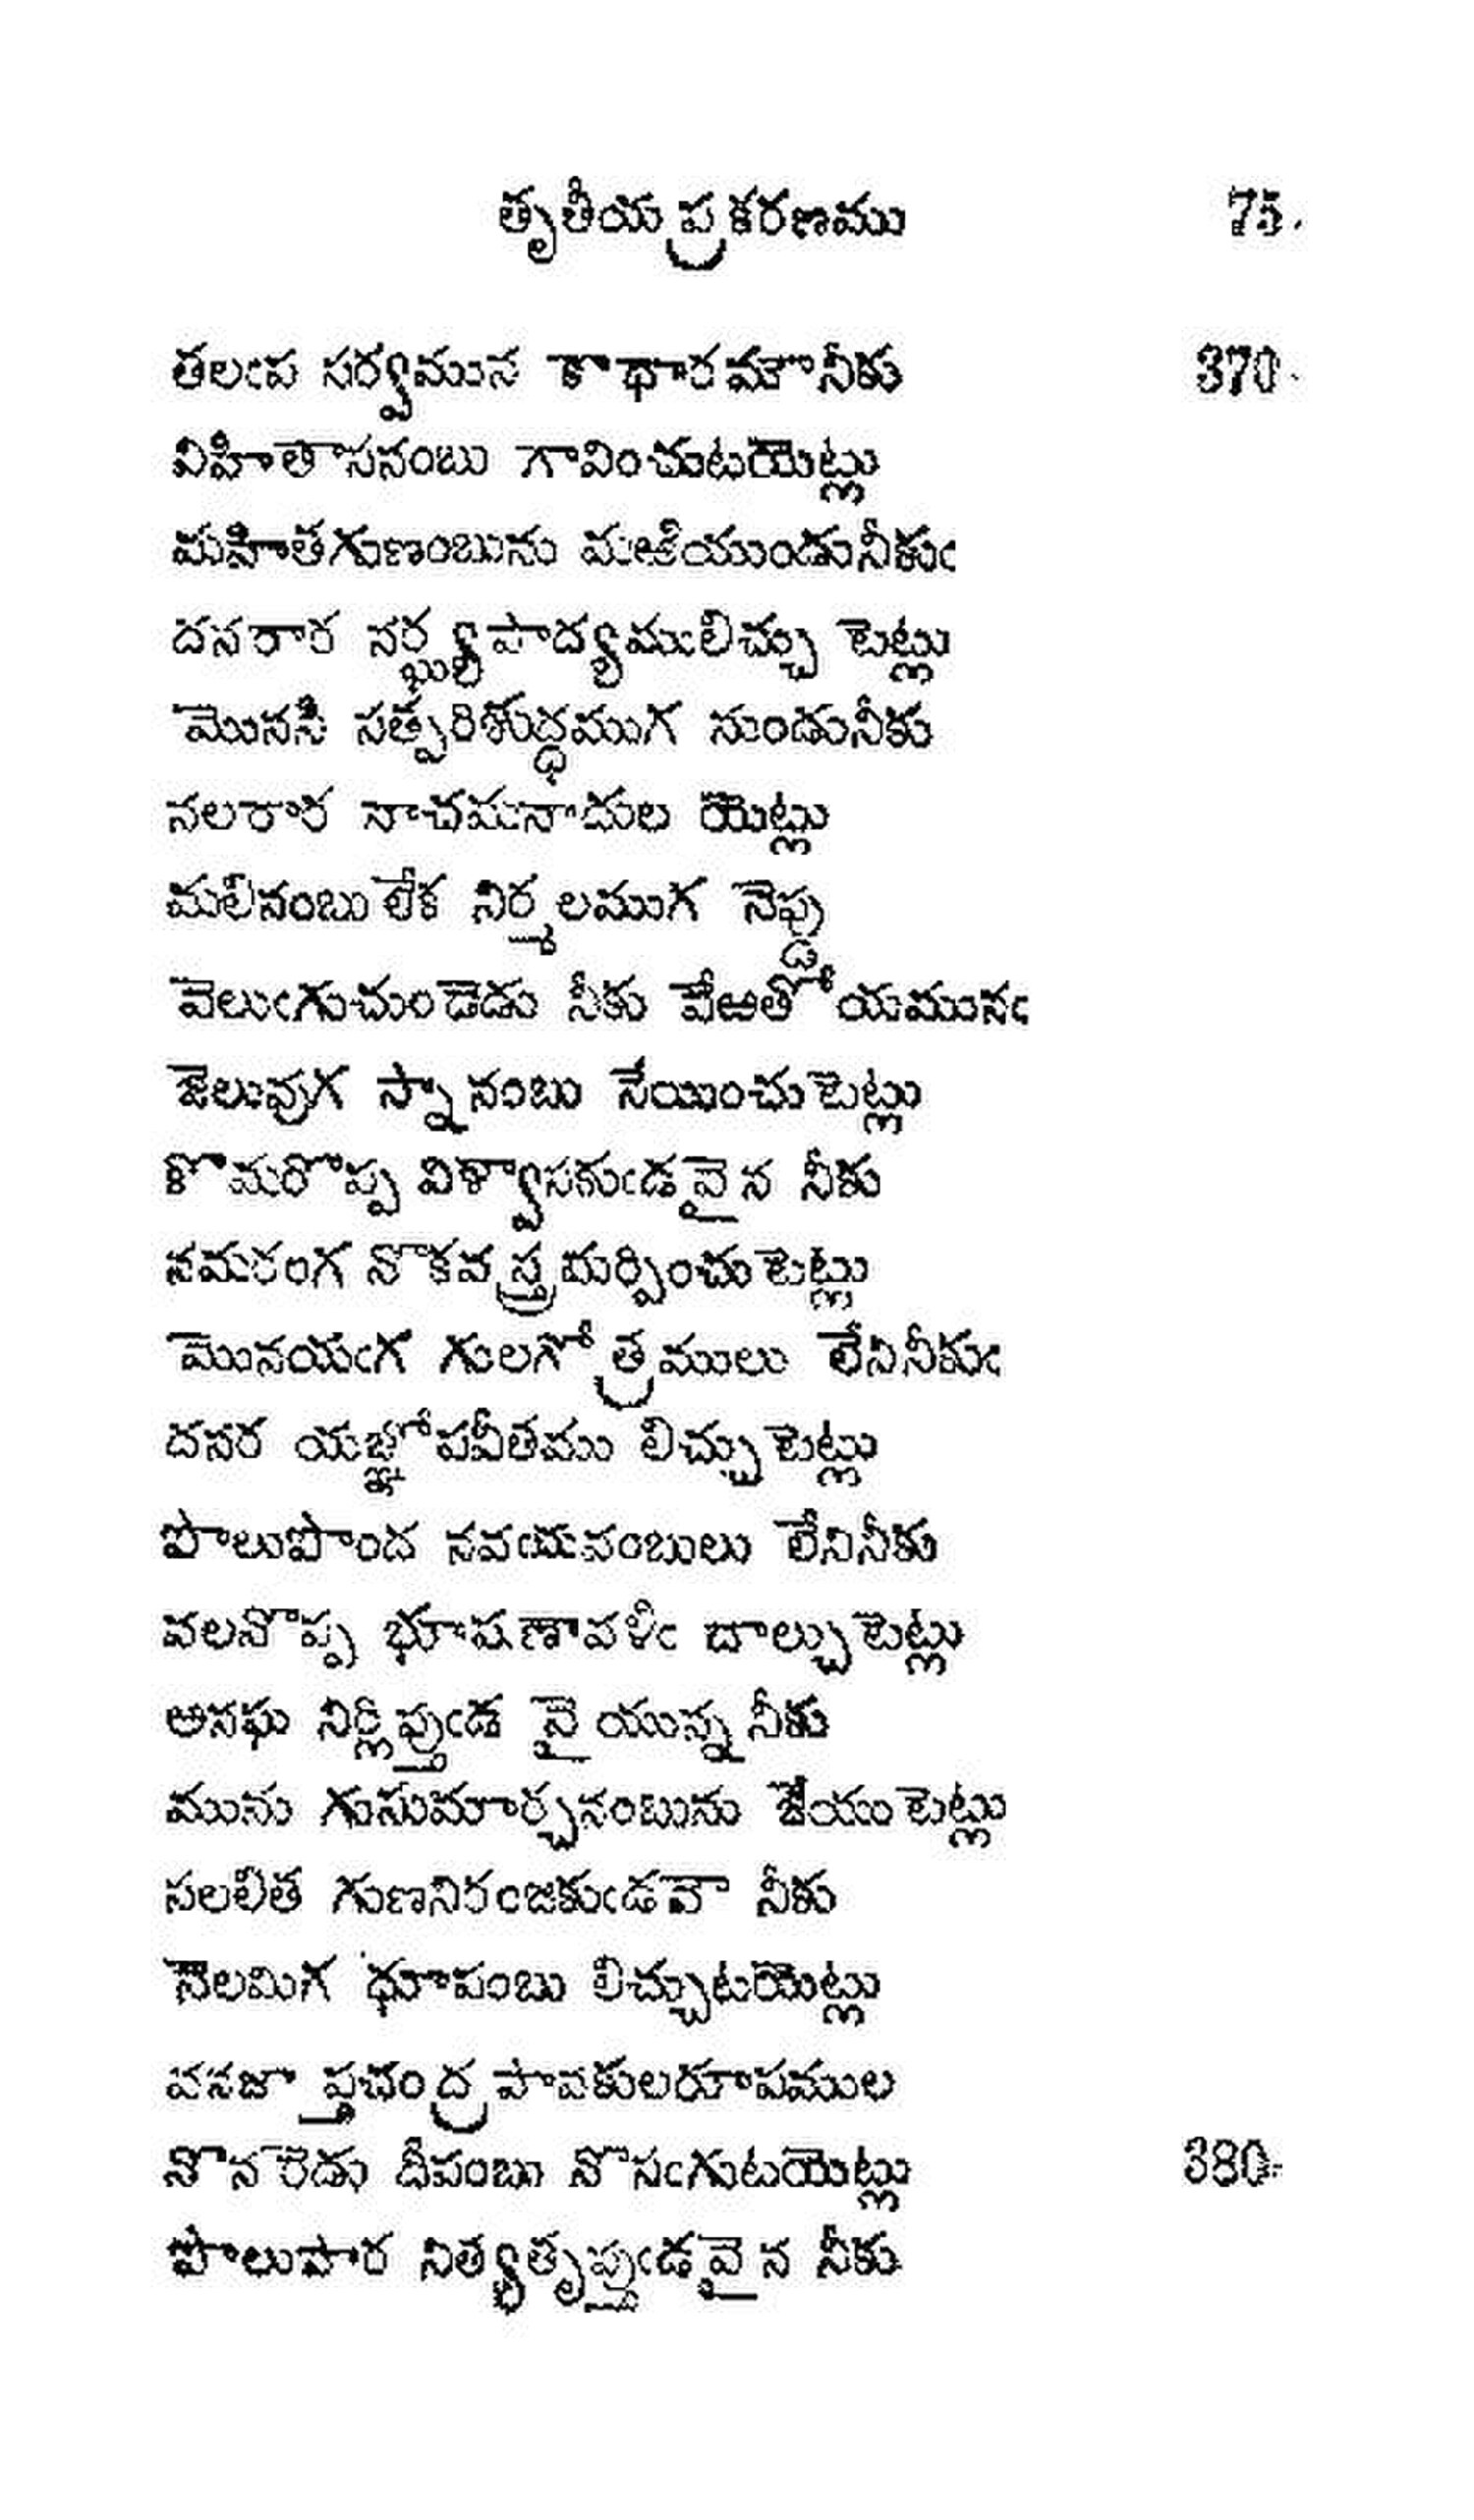తలఁప సర్వమున కాధారమౌనీకు
విహితాసనంబు గావించుటయెట్లు
మహితగుణంబును మఱియుండునీకు
దనరార నర్ఘ్యపాద్యము లిచ్చు టెట్లు
మొనసి సత్పరిశుద్ధముగ నుండునీకు
నలరార నాచమనాదుల యెట్లు
మలినంబులేక నిర్మలముగ నెప్డు 
వెలుఁగుచుండెడు నీకు వేఱతోయమునఁ
జెలువుగ స్నానంబు సేయించుటెట్లు
కొమరొప్ప విశ్వాసకుఁడవైన నీకు
నమరంగ నొకవస్త్రమర్పించు టెట్లు
మొనయఁగ గులగోత్రములు లేనినీకుఁ 
దనర యజ్ఞోపవీతము లిచ్చుటెట్లు
పొలుపొంద నవయవంబులు లేనినీకు
వలనొప్ప భూషణావళిఁ దాల్చుటెట్లు
అనఘ నిర్లిప్తుఁడ వైయున్ననీకు
మును గుసుమార్చనంబును జేయుటెట్లు
సలలిత గుణనిరంజకుఁడవౌ నీకు
నెలమిగ ధూపంబు లిచ్చుటయెట్లు
వనజాప్తచంద్రపావకులరూపముల
నొనరెడు దీపంబు నొసఁగుటయెట్లు
పొలుపార నిత్యతృప్తుఁడవైన నీకు